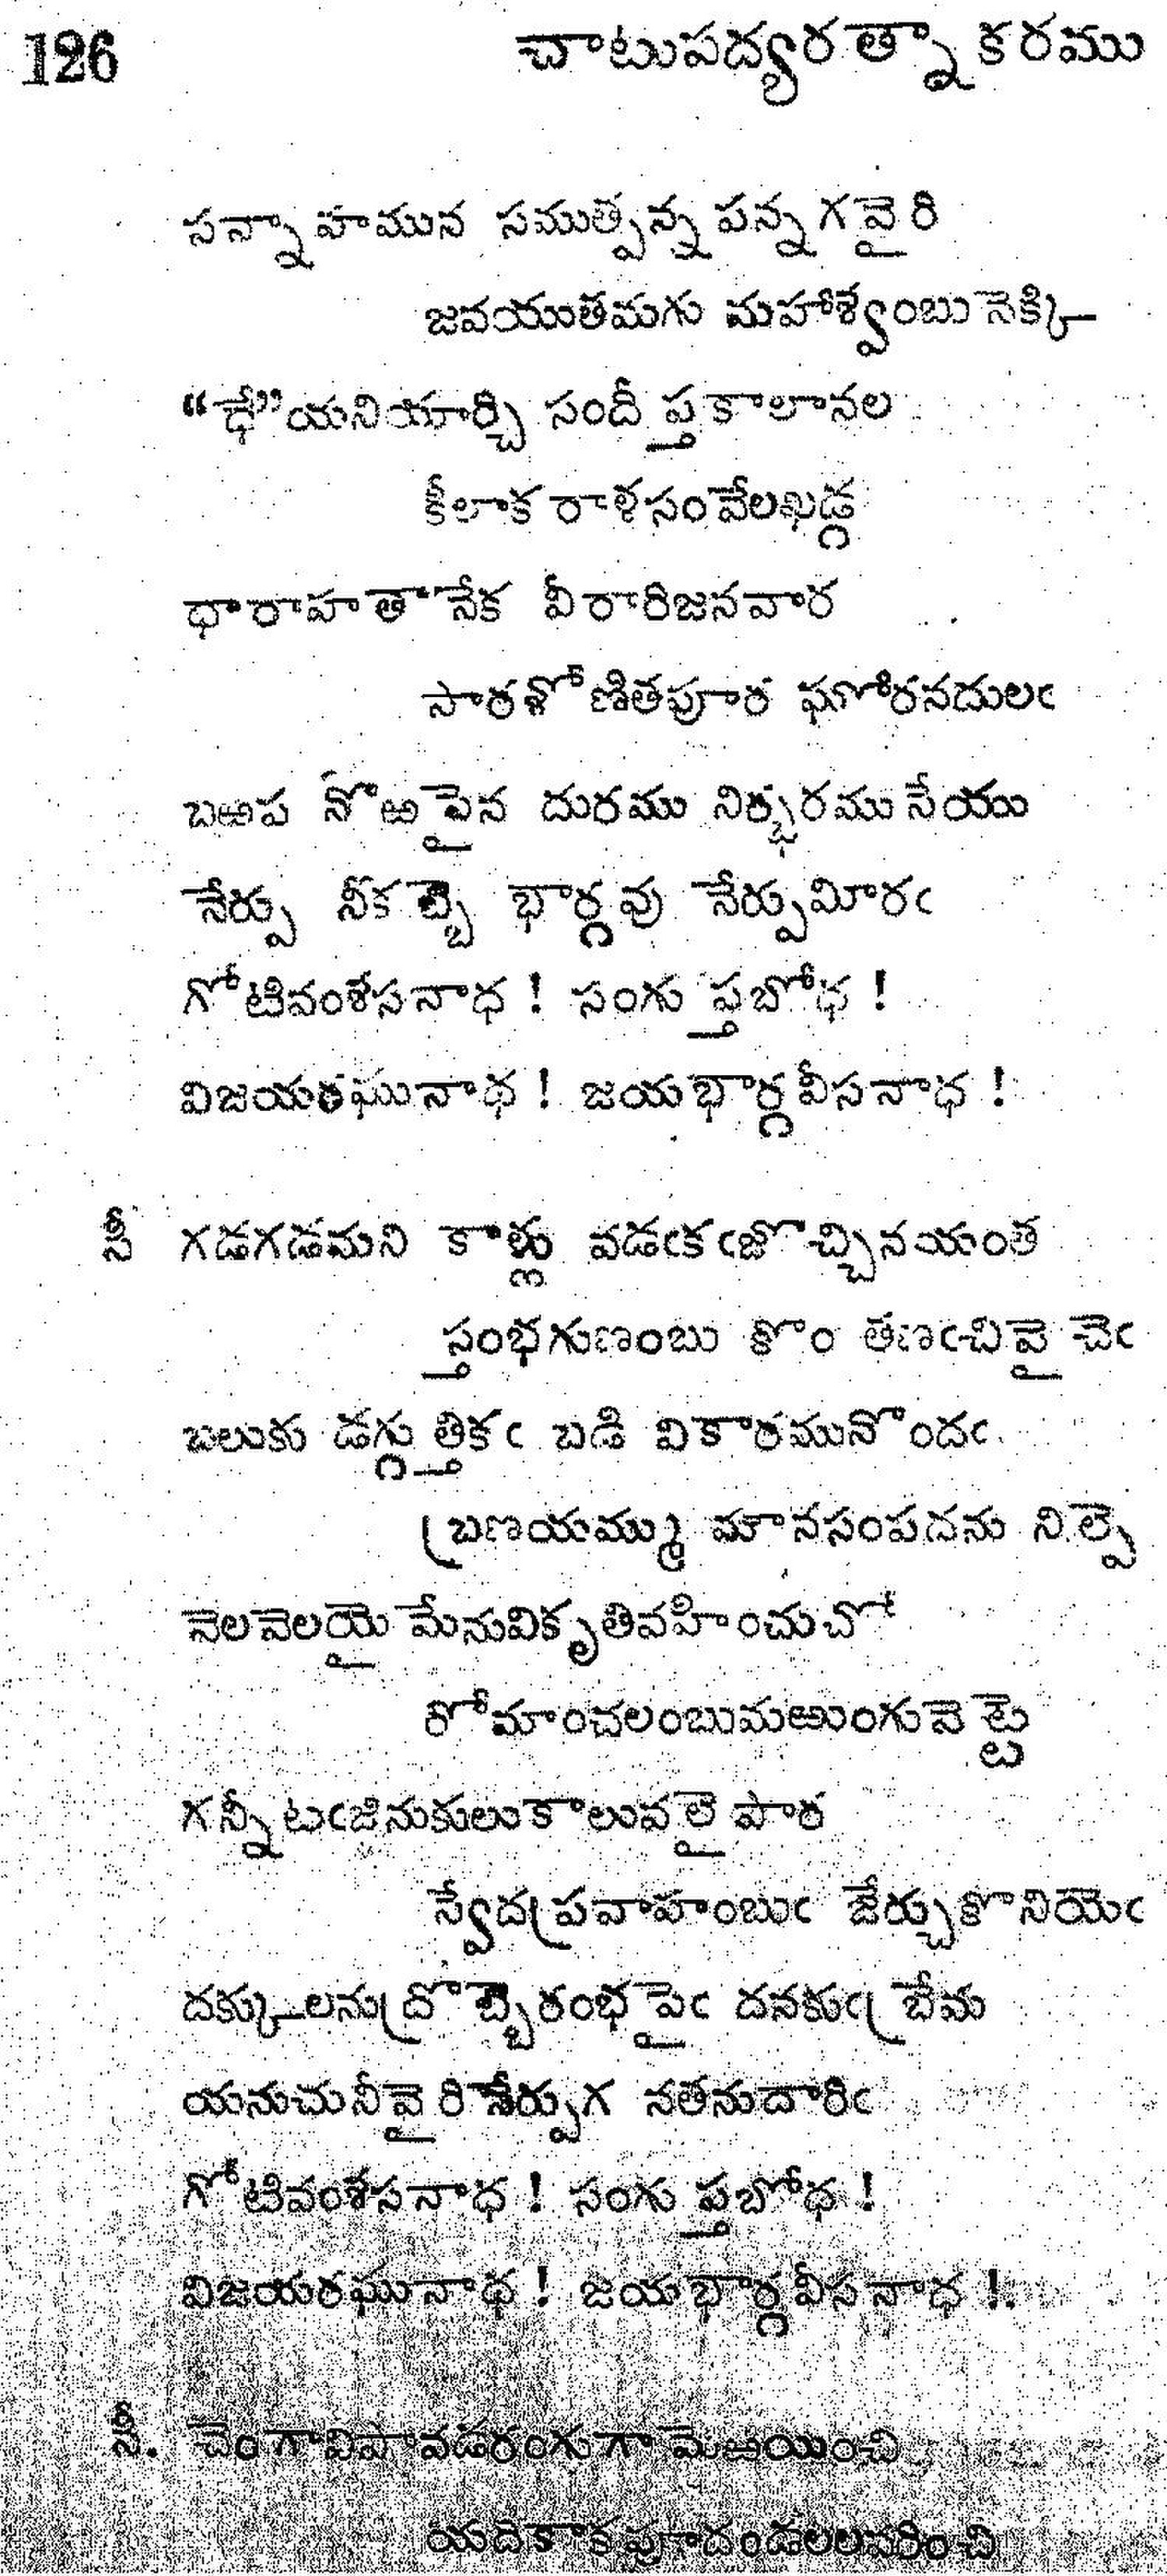సన్నాహమున సముత్పన్నపన్నగవైరి
 జవయుతమగు మహాశ్వంబు నెక్కి
 “ధే”యనియార్చి సందీప్తకాలానల
 కీలాకరాళసంవేలఖడ్గ
 ధారాహతానేక వీరారిజనవార
 సారశోణితపూర ఘోరనదులఁ
 బఱప నొఱపైన దురము నిర్భరము సేయు
 నేర్పు నీ కబ్బె భార్గవు నేర్పు మీరఁ
 గోటివంశసనాథ! సంగుప్తబోధ!
 విజయరఘునాథ! జయభార్గవీసనాథ!

సీ. గడగడమని కాళ్ళు వడఁకఁజొచ్చినయంత
 స్తంభగుణంబు కొం తణఁచివైచెఁ
 బలుకు డగ్గుత్తికఁ బడి వికారము నొందఁ
 బ్రణయమ్ము మౌనసంపదను నిల్పె
 వెలవెలయై మేను వికృతి వహించుచో
 రోమాంచలంబు మఱుంగు వెట్టె
 గన్నీటఁ జినుకులు కాలువలై పార
 స్వేదప్రవాహంబుఁ జేర్చుకొనియెఁ
 దక్కులను ద్రొబ్బె రంభపైఁ దనకుఁ బ్రేమ
 యనుచు నీవైరి నేర్పుగ నతనుదారిఁ
 గోటివంశసనాథ! సంగుప్తబోధ!
 విజయరఘునాథ! జయభార్గవీసనాథ!

సీ. చెంగావిపావడరంగుగా మెఱయించి
 యదికాక పూదండ లలవరించి